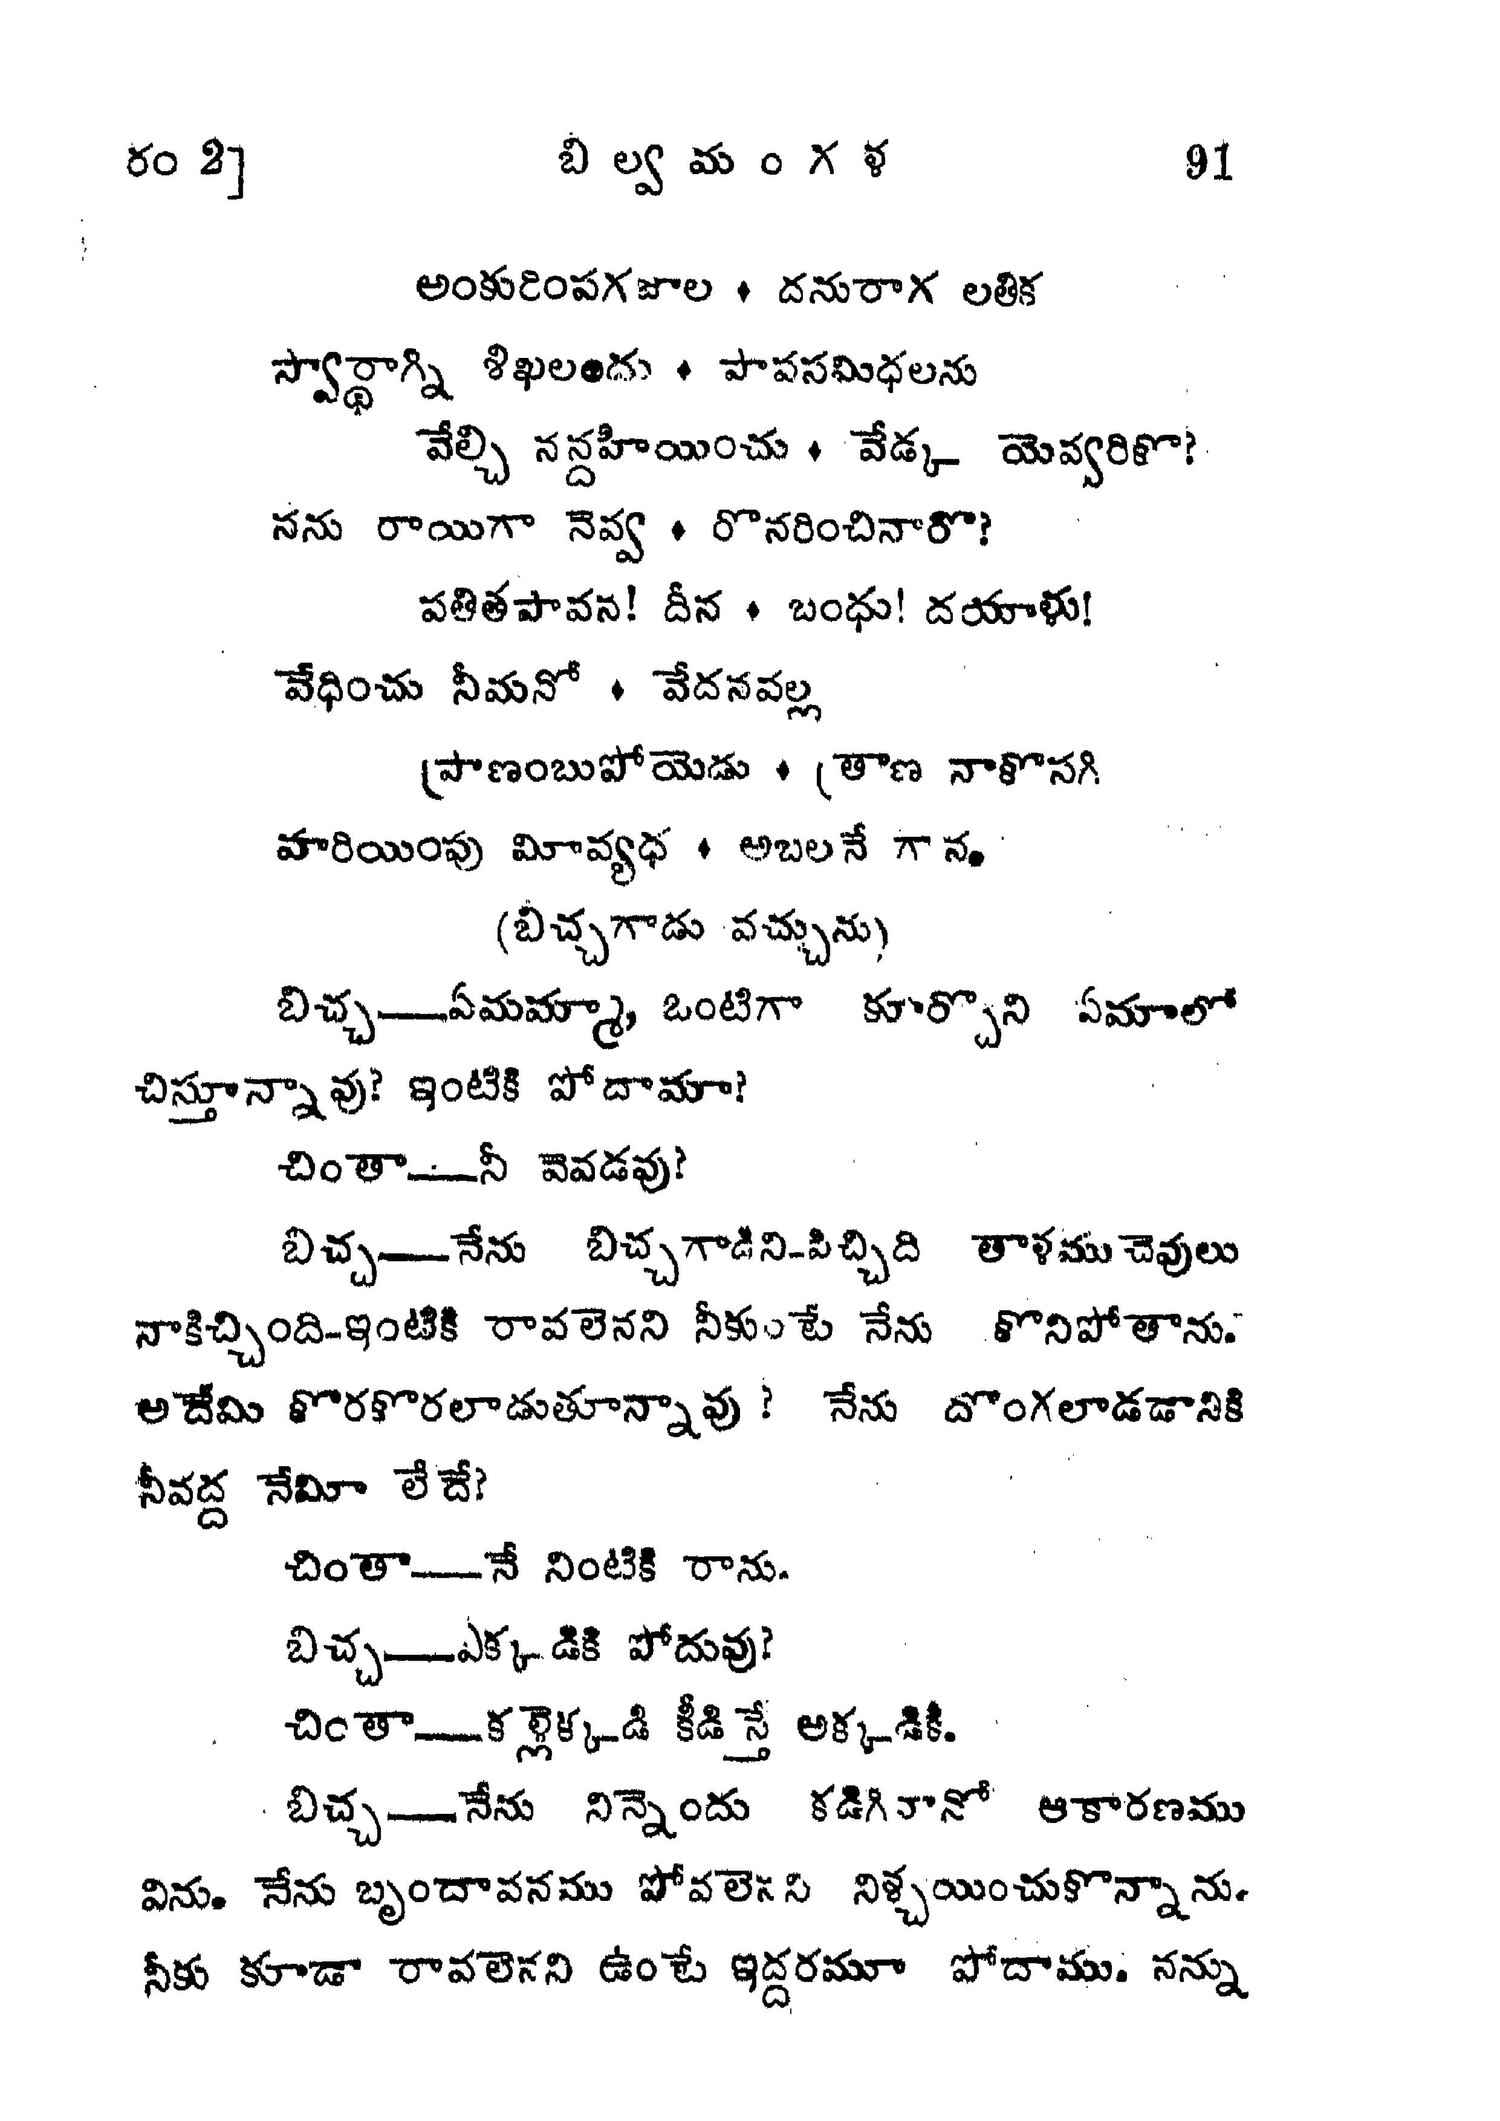అంకురింపగజాల ♦ దనురాగ లతిక
 స్వార్థాగ్ని శిఖలందు ♦ పాపసమిధలను
 వేల్చి నన్దహియించు ♦ వేడ్క యెవ్వరికొ?
 నను రాయిగా నెవ్వ ♦ రొనరించినారొ?
 పతితపావన! దీన ♦ బంధు! దయాళు!
 వేధించు నీమనో ♦ వేదనవల్ల
 ప్రాణంబుపోయెడు ♦ త్రాణ నాకొసగి
 హరియింపు మీవ్యధ ♦ అబలనే గాన.

బిచ్చ - ఏమమ్మా ఒంటిగా కూర్చొని ఏమాలోచిస్తూన్నావు? ఇంటికి పోదామా?

చింతా - నీ వెవడవు?

బిచ్చ - నేను బిచ్చగాడిని-పిచ్చిది తాళము చెవులు నాకిచ్చింది-ఇంటికి రావలెనని నీకుంటే నేను కొనిపోతాను. అదేమి కొరకొరలాడుతూన్నావు ? నేను దొంగలాడడానికి నీవద్ద నేమీ లేదే?

చింతా - నే నింటికి రాను.

బిచ్చ - ఎక్కడికి పోదువు?

చింతా - కళ్లెక్కడి కీడిస్తే అక్కడికి.

బిచ్చ - నేను నిన్నెందు కడిగినానో ఆకారణము విను. నేను బృందావనము పోవలెనని నిశ్చయించుకొన్నాను. నీకు కూడా రావలెనని ఉంటే ఇద్దరమూ పోదాము. నన్ను